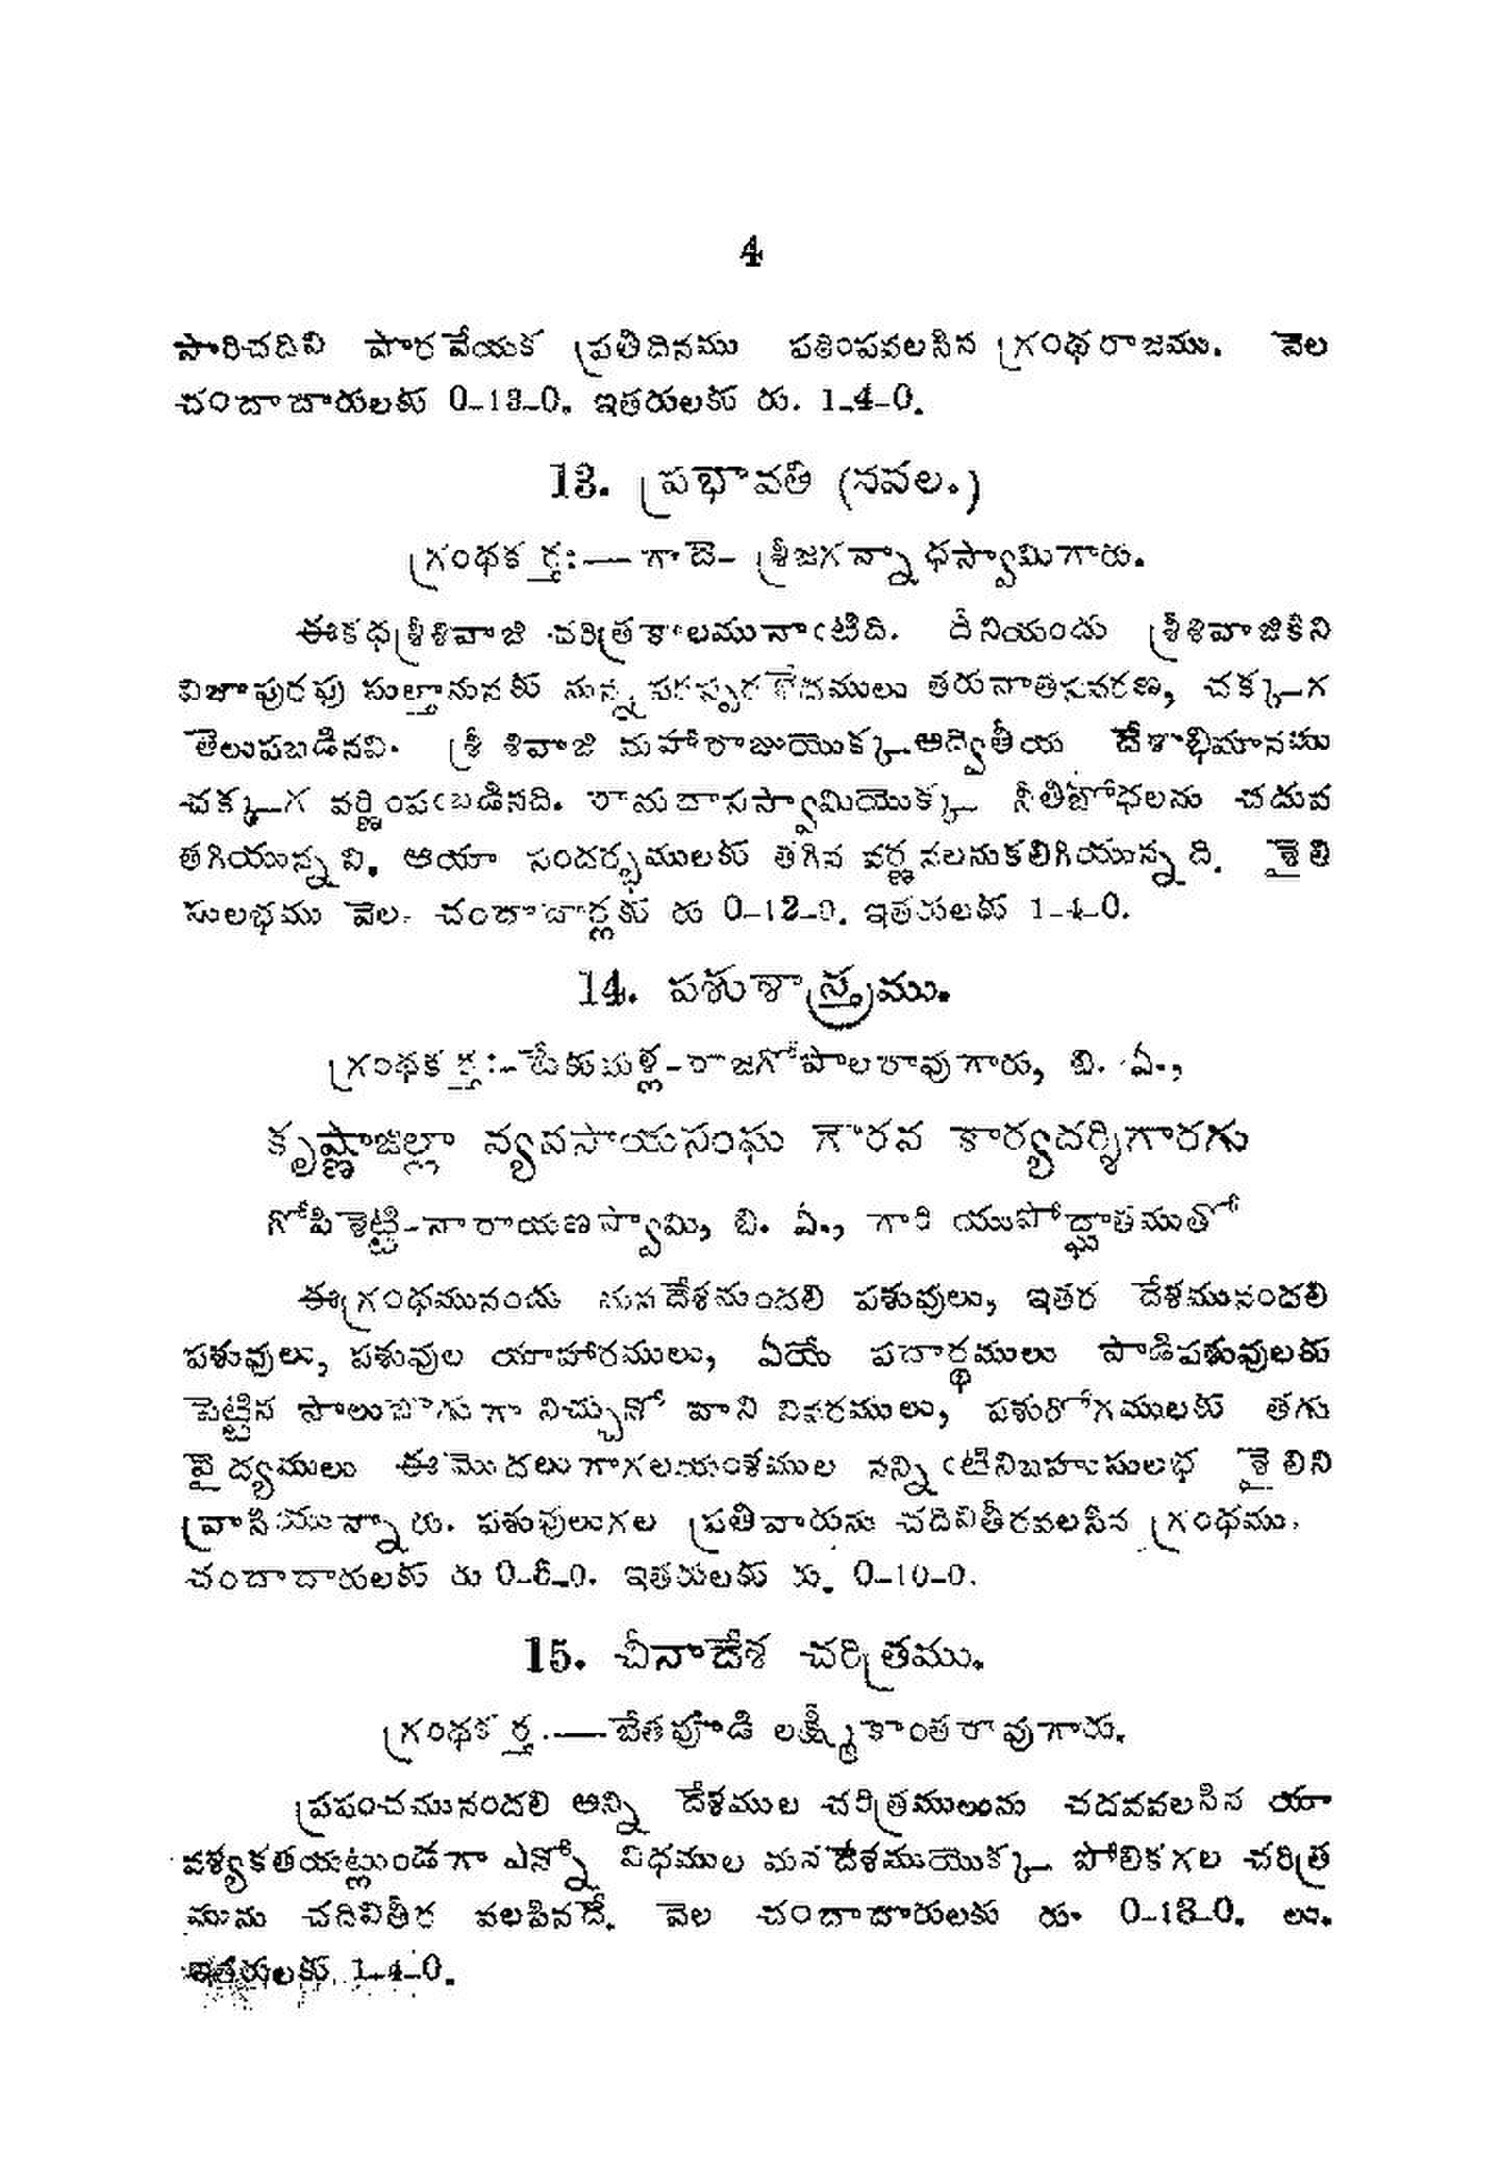సారిచదివి పారవేయక ప్రతిదినము పఠింపవలసిన గ్రంథరాజము. వెల చందాదారులకు 0-13-0. ఇతరులకు రు. 1-4-0.

 

గ్రంథకర్త:- గాదె- శ్రీజగన్నాధస్వామిగారు. 

ఈకధశ్రీశివాజీ చరిత్రకాలమునాఁటిది. దీనియందు శ్రీశివాజికిని విజాపురపు సుల్తానునకు నున్న పరస్పరభేదములు తరునాత సవరణ, చక్కగ తెలుపబడినవి. శ్రీ శివాజీ మహారాజుయొక్క అద్వితీయ దేశాభిమానము చక్కగ వర్ణింపబడినది. రామదాసస్వామియొక్క నీతిబోధలను చదువ తగియున్నవి. ఆయా సందర్భములకు తగిన వర్షనలనుకలిగియున్నది. శైలి సులభము వెల, చందాదార్లకు రు 0-12-0. ఇతరులకు 1-4-0.

 

గ్రంథకర్త :- టేకుమళ్ల - రాజగోపాలరావుగారు, బి.ఏ., 

కృష్ణాజిల్లా వ్యవసాయసంఘ గౌరవ కార్యదర్శిగారగు గోపిశెట్టి- నారాయణస్వామి, బి. ఏ., గారి యుపోద్ఘాతముతో

ఈగ్రంధమునందు మనదేశమందలి పశువులు, ఇతర దేశమునందలి పశువులు, పశువుల యాహారములు, ఏయే పదార్థములు పాడి పశువులకు పెట్టిన సాలు బాగుగా నిచ్చునో వాని వివరములు, పశురోగములకు తగు వైద్యములు ఈ మొదలుగాగలయంశముల నన్ని(టినిబహుసులభ శైలిని వ్రాసియున్నారు. పశువులుగల ప్రతివారును చదివి తీరవలసిన గ్రంథము , చందాదారులకు రు 0-6-0. ఇతరులకు రు. 0-10-0.

 

గ్రంథకర్త:- బేతపూడి లక్ష్మీకాంతరావుగారు,

ప్రపంచమునందలి అన్ని దేశముల చరిత్రములును చదవవలసిన యావశ్యకతయట్లుండగా ఎన్నో విధముల మనదేశముయొక్క పోలికగల చరిత్రమును చదివితీర వలపినదే, వెల చందాదారులకు రు. 0-13-0. లు. ఇతరులకు 1-4-0.